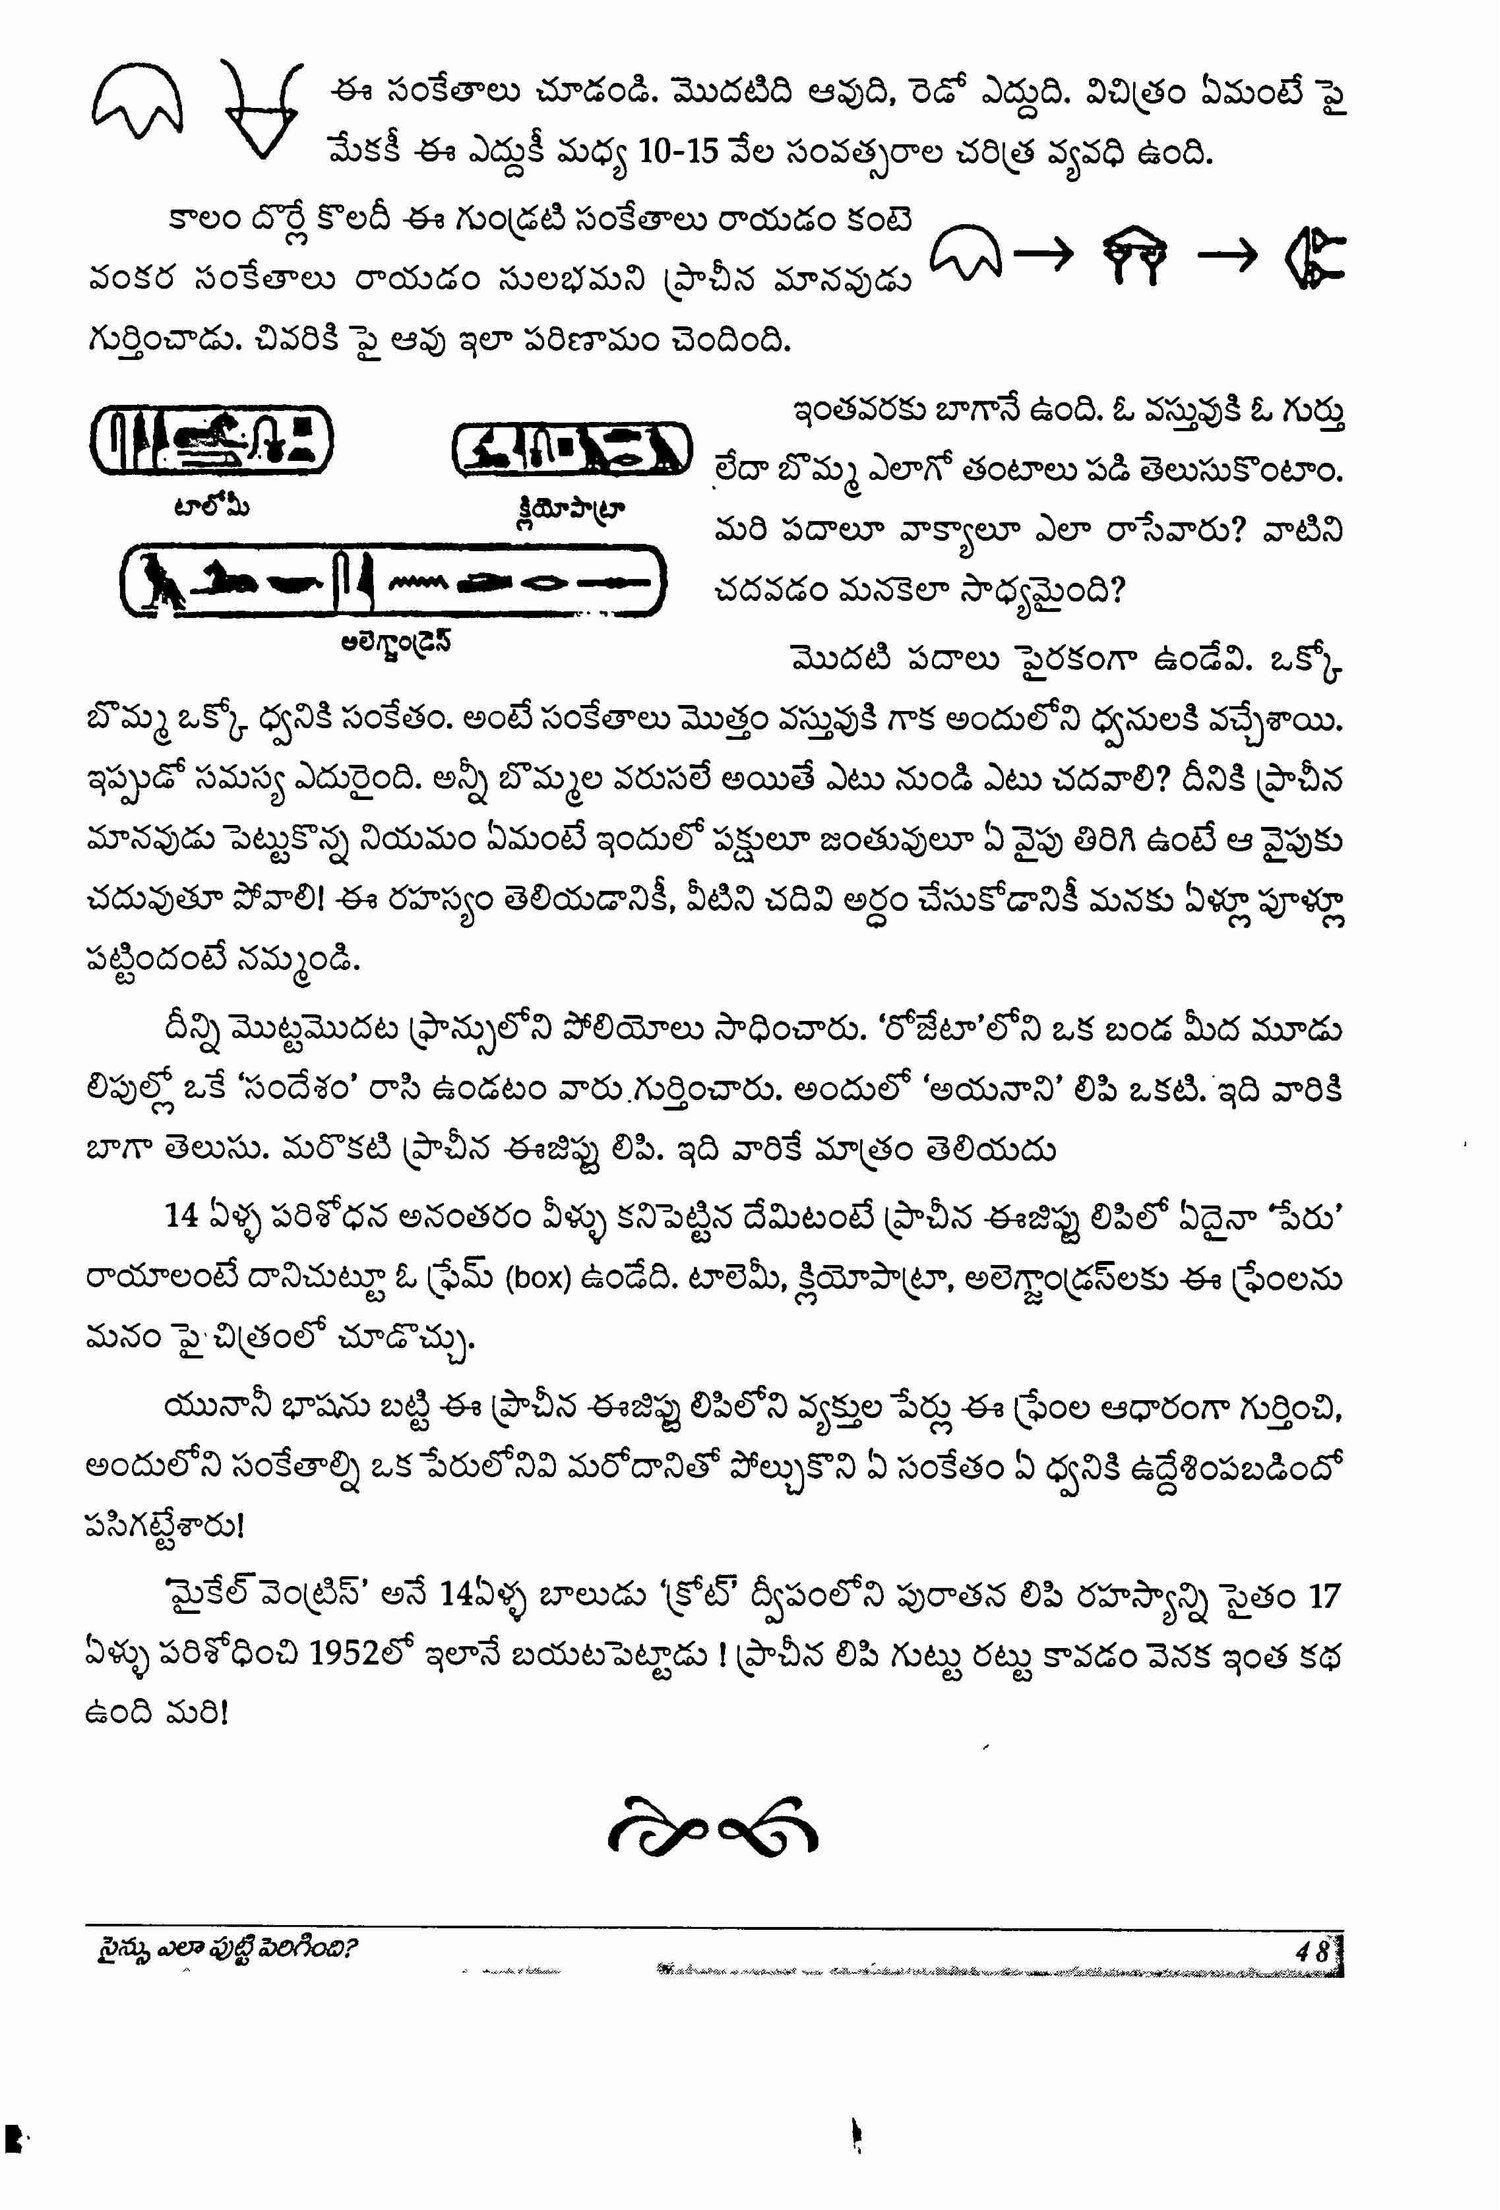ఈ సంకేతాలు చూడండి. మొదటిది ఆవుది, రెండో ఎద్దుది. విచిత్రం ఏమంటే పై మేకకీ ఈ ఎద్దుకీ మధ్య 10-15 వేల సంవత్సరాల చరిత్ర వ్యవధి ఉంది.

కాలం దొర్లే కొలదీ ఈ గుండ్రటి సంకేతాలు రాయడం కంటె వంకర సంకేతాలు రాయడం సులభమని ప్రాచీన మానవుడు గుర్తించాడు. చివరికి పై ఆవు ఇలా పరిణామం చెందింది.

ఇంతవరకు బాగానే ఉంది. ఓ వస్తువుకి ఓ గుర్తు లేదా బొమ్మ ఎలాగో తంటాలు పడి తెలుసుకొంటాం. మరి పదాలూ వాక్యాలూ ఎలా రాసేవారు? వాటిని చదవడం మనకెలా సాధ్యమైంది?

మొదటి పదాలు పైరకంగా ఉండేవి. ఒక్కో బొమ్మ ఒక్కో ధ్వనికి సంకేతం. అంటే సంకేతాలు మొత్తం వస్తువుకి గాక అందులోని ధ్వనులకి వచ్చేశాయి. ఇప్పుడో సమస్య ఎదురైంది. అన్నీ బొమ్మల వరుసలే అయితే ఎటు నుండి ఎటు చదవాలి? దీనికి ప్రాచీన మానవుడు పెట్టుకొన్న నియమం ఏమంటే ఇందులో పక్షులూ జంతువులూ ఏ వైపు తిరిగి ఉంటే ఆ వైపుకు చదువుతూ పోవాలి! ఈ రహస్యం తెలియడానికీ, వీటిని చదివి అర్ధం చేసుకోడానికీ మనకు ఏళ్లూ పూళ్లూ పట్టిందంటే నమ్మండి.

దీన్ని మొట్టమొదట ఫ్రాన్సులోని పోలియోలు సాధించారు. 'రోజేటా'లోని ఒక బండ మీద మూడు లిపుల్లో ఒకే 'సందేశం' రాసి ఉండటం వారు గుర్తించారు. అందులో 'అయనాని' లిపి ఒకటి. ఇది వారికి బాగా తెలుసు. మరొకటి ప్రాచీన ఈజిప్టు లిపి. ఇది వారికే మాత్రం తెలియదు

14 ఏళ్ళ పరిశోధన అనంతరం వీళ్ళు కనిపెట్టిన దేమిటంటే ప్రాచీన ఈజిప్టు లిపిలో ఏదైనా ‘పేరు’ రాయాలంటే దానిచుట్టూ ఓ ఫ్రేమ్ (box) ఉండేది. టాలెమీ, క్లియోపాట్రా, అలెగ్జాండ్రస్‌లకు ఈ ఫ్రేంలను మనం పై చిత్రంలో చూడొచ్చు.

యునానీ భాషను బట్టి ఈ ప్రాచీన ఈజిప్టు లిపిలోని వ్యక్తుల పేర్లు ఈ ఫ్రేంల ఆధారంగా గుర్తించి, అందులోని సంకేతాల్ని ఒక పేరులోనివి మరోదానితో పోల్చుకొని ఏ సంకేతం ఏ ధ్వనికి ఉద్దేశింపబడిందో పసిగట్టేశారు!

'మైకేల్ వెంట్రిస్' అనే 14ఏళ్ళ బాలుడు 'క్రోట్' ద్వీపంలోని పురాతన లిపి రహస్యాన్ని సైతం 17 ఏళ్ళు పరిశోధించి 1952లో ఇలానే బయటపెట్టాడు! ప్రాచీన లిపి గుట్టు రట్టు కావడం వెనక ఇంత కథ
ఉంది మరి!